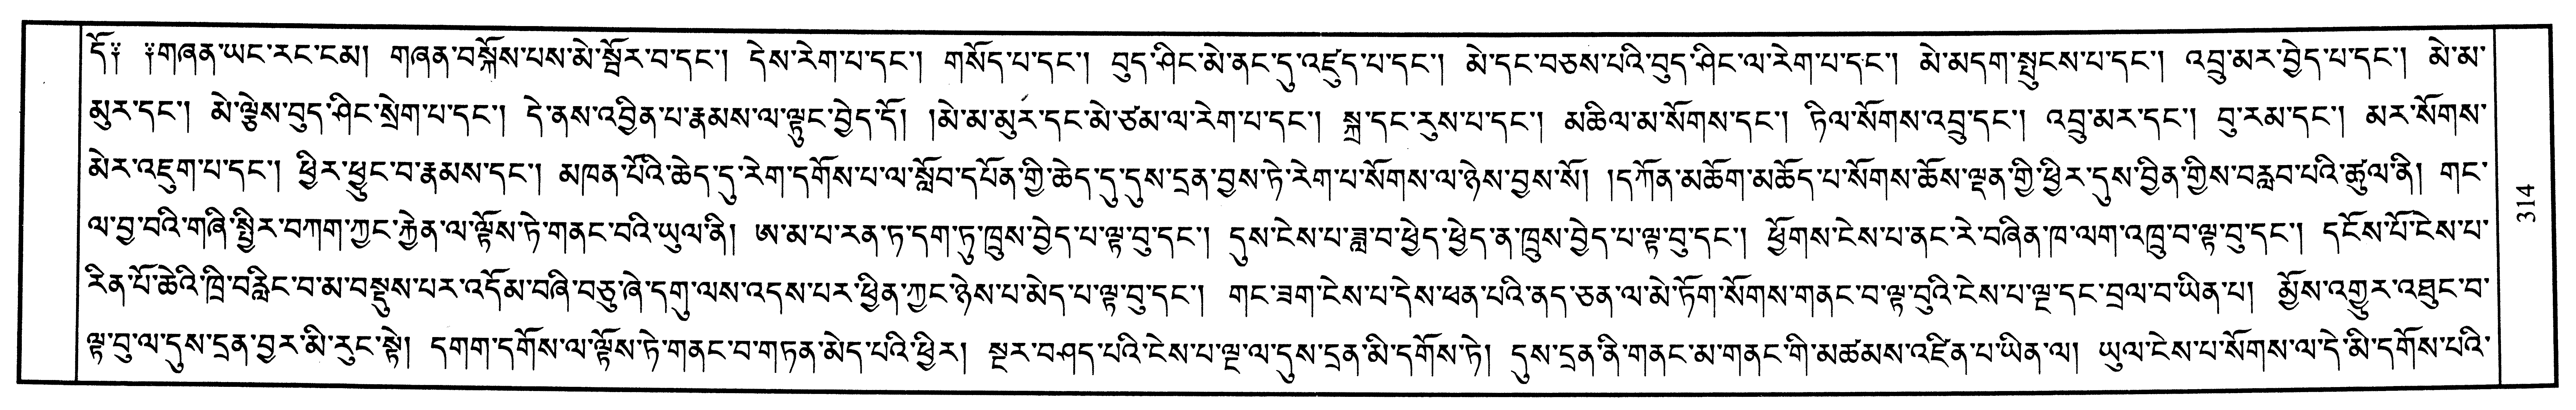དོ༑ ༑གཞན་ཡང་རང་ངམ། གཞན་བསྐོས་པས་མེ་སྦོར་བ་དང་། དེས་རེག་པ་དང་། གསོད་པ་དང་། བུད་ཤིང་མེ་ནང་དུ་འཛུད་པ་དང་། མེ་དང་བཅས་པའི་བུད་ཤིང་ལ་རེག་པ་དང་། མེ་མདག་སྤུངས་པ་དང་། འབྲུ་མར་བྱེད་པ་དང་། མེ་མ་
མུར་དང་། མེ་ལྕེས་བུད་ཤིང་སྲེག་པ་དང་། དེ་ནས་འབྱིན་པ་རྣམས་ལ་ལྟུང་བྱེད་དོ། །མེ་མ་མུར་དང་མེ་ཙམ་ལ་རེག་པ་དང་། སྐྲ་དང་རུས་པ་དང་། མཆིལ་མ་སོགས་དང་། ཏིལ་སོགས་འབྲུ་དང་། འབྲུ་མར་དང་། བུ་རམ་དང་། མར་སོགས་
མེར་འཇུག་པ་དང་། ཕྱིར་ཕྱུང་བ་རྣམས་དང་། མཁན་པོའི་ཆེད་དུ་རེག་དགོས་པ་ལ་སློབ་དཔོན་གྱི་ཆེད་དུ་དུས་དྲན་བྱས་ཏེ་རེག་པ་སོགས་ལ་ཉེས་བྱས་སོ། །དཀོན་མཆོག་མཆོད་པ་སོགས་ཆོས་ལྡན་གྱི་ཕྱིར་དུས་བྱིན་གྱིས་བརླབ་པའི་ཚུལ་ནི། གང་
ལ་བྱ་བའི་གཞི་སྤྱིར་བཀག་ཀྱང་རྐྱེན་ལ་ལྟོས་ཏེ་གནང་བའི་ཡུལ་ནི། ཨ་མ་པ་རན་ཏ་དག་ཏུ་ཁྲུས་བྱེད་པ་ལྟ་བུ་དང་། དུས་ངེས་པ་ཟླ་བ་ཕྱེད་ཕྱེད་ན་ཁྲུས་བྱེད་པ་ལྟ་བུ་དང་། ཕྱོགས་ངེས་པ་ནང་རེ་བཞིན་ཁ་ལག་འཁྲུ་བ་ལྟ་བུ་དང་། དངོས་པོ་ངེས་པ་
རིན་པོ་ཆེའི་ཁྲི་བརླིང་བ་མ་བསྡུས་པར་འདོམ་བཞི་བཅུ་ཞེ་དགུ་ལས་འདས་པར་ཕྱིན་ཀྱང་ཉེས་པ་མེད་པ་ལྟ་བུ་དང་། གང་ཟག་ངེས་པ་དེས་ཕན་པའི་ནད་ཅན་ལ་མེ་ཏོག་སོགས་གནང་བ་ལྟ་བུའི་ངེས་པ་ལྔ་དང་བྲལ་བ་ཡིན་པ། མྱོས་འགྱུར་འཐུང་བ་
ལྟ་བུ་ལ་དུས་དྲན་བྱར་མི་རུང་སྟེ། དགག་དགོས་ལ་ལྟོས་ཏེ་གནང་བ་གཏན་མེད་པའི་ཕྱིར། སྔར་བཤད་པའི་ངེས་པ་ལྔ་ལ་དུས་དྲན་མི་དགོས་ཏེ། དུས་དྲན་ནི་གནང་མ་གནང་གི་མཚམས་འཛིན་པ་ཡིན་ལ། ཡུལ་ངེས་པ་སོགས་ལ་དེ་མི་དགོས་པའི་